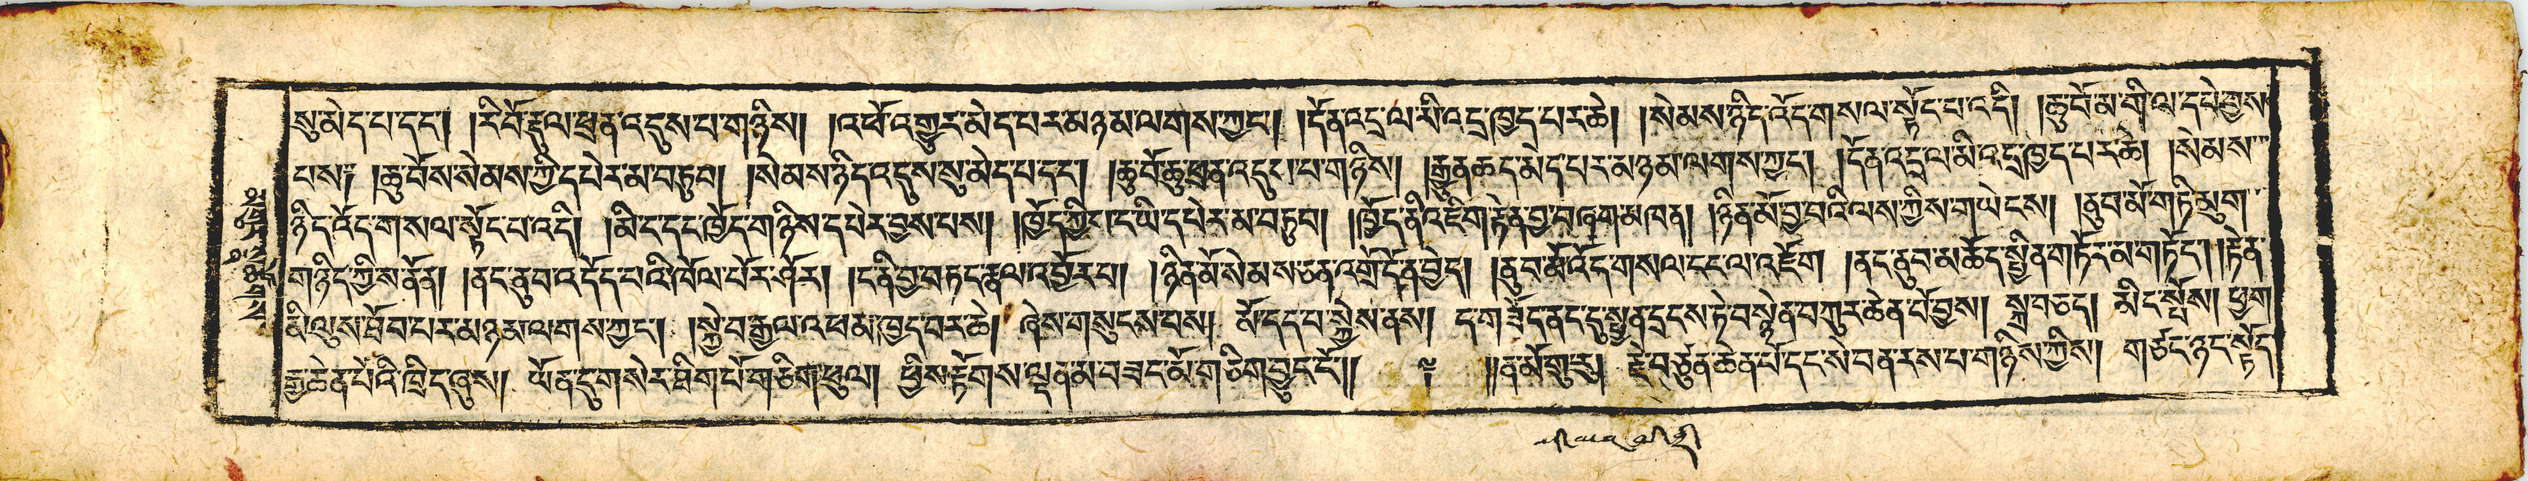སུ་མེད་པ་དང་། །རི་བོ་རྡུལ་ཕྲན་འདུས་པ་གཉིས། །འཕོ་འགྱུར་མེད་པར་མཉམ་ལགས་ཀྱང་། །དོན་འདྲ་ལ་མི་འདྲ་ཁྱད་པརཆེ། །སེམས་ཉིད་འོད་གསལ་སྟོང་པ་འདི། །ཆུ་བོ་མ་གི་ལ་དཔེ་བྱས་
པས། །ཆུ་བོས་སེམས་ཀྱི་དཔེར་མ་བཏུབ། །སེམས་ཉིད་འདུས་སུ་མེད་པ་དང་། །ཆུ་བོ་ཆུ་ཕྲན་འདུས་པ་གཉིས། །རྒྱུན་ཆད་མེད་པར་མཉམ་ལགས་ཀྱང་། །དོན་འདྲ་ལ་མི་འདྲ་ཁྱད་པར་ཆེ། །སེམས་
ཉིད་འོད་གསལ་སྟོང་བ་འདི། །མི་ང་དང་ཁྱོད་གཉིས་དཔེར་བྱས་པས། །ཁྱོད་ཀྱིས་ང་ཡི་དཔེར་མ་བཏུབ། །ཁྱོད་ནི་འཇིག་རྟེན་བྱ་བཞག་མཁན། །ཉིན་མོ་བྱ་བའི་ལས་ཀྱིས་གཡེངས། །ནུབ་མོ་གཏི་མུག་
གཉིད་ཀྱིས་ནོན། །ནང་ནུབ་འདོད་པའི་ཁོལ་པོར་ཤོར། །ང་ནི་བྱ་བཏང་རྣལ་འབྱོར་བ། །ཉིན་མོ་སེམས་ཅན་འགྲོ་དོན་བྱེད། །ནུབ་མོ་འོད་གསལ་ངང་ལ་འཇོག །ནང་ནུབ་མཆོད་སྦྱིན་གཏོར་མ་གཏོང་། །རྟེན་
མི་ལུས་ཐོབ་པར་མཉམ་ལགས་ཀྱང་། །སྐྱེ་བ་རྒྱལ་འཕམ་ཁྱད་པར་ཆེ། ཞེས་གསུངས་པས། མོ་དད་པ་སྐྱེས་ནས། ད་གཟོད་ནང་དུ་སྤྱན་དྲངས་ཏེ་བསྙེན་བཀུར་ཆེན་པོ་བྱས། སྐྲ་བཅད། མིང་སྤོས། ཕྱག་
རྒྱ་ཆེན་པོའི་ཁྲིད་ཞུས། ཡོན་དུགསེར་ཐིག་པོ་གཅིག་ཕུལ། ཕྱིས་རྟོགས་ལྡན་མ་བཟང་མོ་གཅིག་བྱུང་ངོ་།། ༈ །།ན་མོ་གུ་རུ། རྗེ་བཙུན་ཆེན་པོ་དང་སེ་བན་རས་པ་གཉིས་ཀྱིས། གཙང་ཉང་སྟོད་